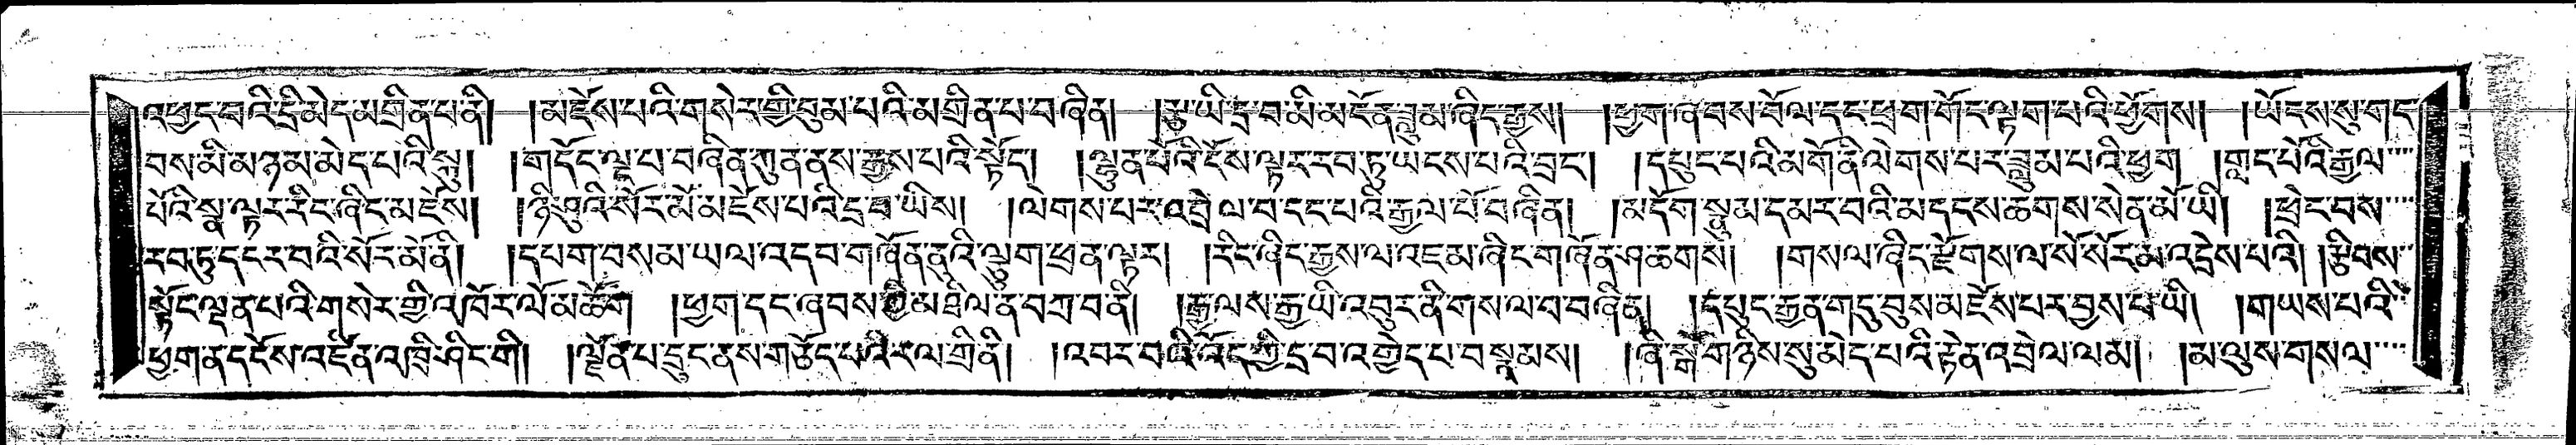འཕྱང་བའི་དྲི་མེད་མགྲིན་པ་ནི། །མཛེས་པའི་གསེར་གྱི་བུམ་པའི་མགྲིན་པ་བཞིན། །རྩ་ཡི་དྲ་བ་མི་མངོན་ཟླུམ་ཞིང་རྒྱས། །ཕྱག་ཞབས་བོལ་དང་ཕྲག་གོང་ལྟག་པའི་ཕྱོགས། །ཡོངས་སུ་གང་
བས་མི་མཉམ་མེད་པའི་སྐུ། །གདོང་ལྔ་པ་བཞིན་ཀུན་ནས་རྒྱས་པའི་སྟོད། །ལྷུན་པོའི་ངོས་ལྟར་རབ་ཏུ་ཡངས་པའི་བྲང་། །དཔུང་པའི་མགོ་ནི་ལེགས་པར་ཟླུམ་པའི་ཕྱག །གླང་པོའི་རྒྱལ་
པོའི་སྣ་ལྟར་རིང་ཞིང་མཛེས། །ཉི་ཤུའི་སོར་མོ་མཛེས་པའི་དྲ་བ་ཡིས། །ལེགས་པར་འབྲེལ་བ་དང་པའི་རྒྱལ་པོ་བཞིན། །མདོག་སྣུམ་དམར་བའི་མདངས་ཆགས་སེན་མོ་ཡི། །ཕྲེང་བས་
རབ་ཏུ་དངར་བའི་སོར་མོ་ནི། །དཔག་བསམ་ཡལ་འདབ་གཞོན་ནུའི་ལྕུག་ཕྲན་ལྟར། །རིང་ཞིང་རྒྱས་ལ་འཇམ་ཞིང་གཞོན་ཤ་ཆགས། །གསལ་ཞིང་རྫོགས་ལ་སོ་སོར་མ་འདྲེས་པའི། །རྩིབས་
སྟོང་ལྡན་པའི་གསེར་གྱི་འཁོར་ལོ་མཆོག །ཕྱག་དང་ཞབས་ཀྱི་མཐིལ་ན་བཀྲ་བ་ནི། །རྒྱ་ལས་རྒྱ་ཡི་འབུར་ནི་གསལ་བ་བཞིན། །དཔུང་རྒྱན་གདུ་བུས་མཛེས་པར་བྱས་པ་ཡི། །གཡས་པའི་
ཕྱག་ན་དངོས་འཛིན་འཁྲི་ཤིང་གི། །ལྗོན་པ་དྲུང་ནས་གཅོད་པའི་རལ་གྲི་ནི། །འབར་བའི་འོད་ཀྱི་དྲ་བ་འགྱེད་པ་བསྣམས། །ཞི་སྒོ་གཉིས་སུ་མེད་པའི་རྟེན་འབྲེལ་ལམ། །མ་ལུས་གསལ་